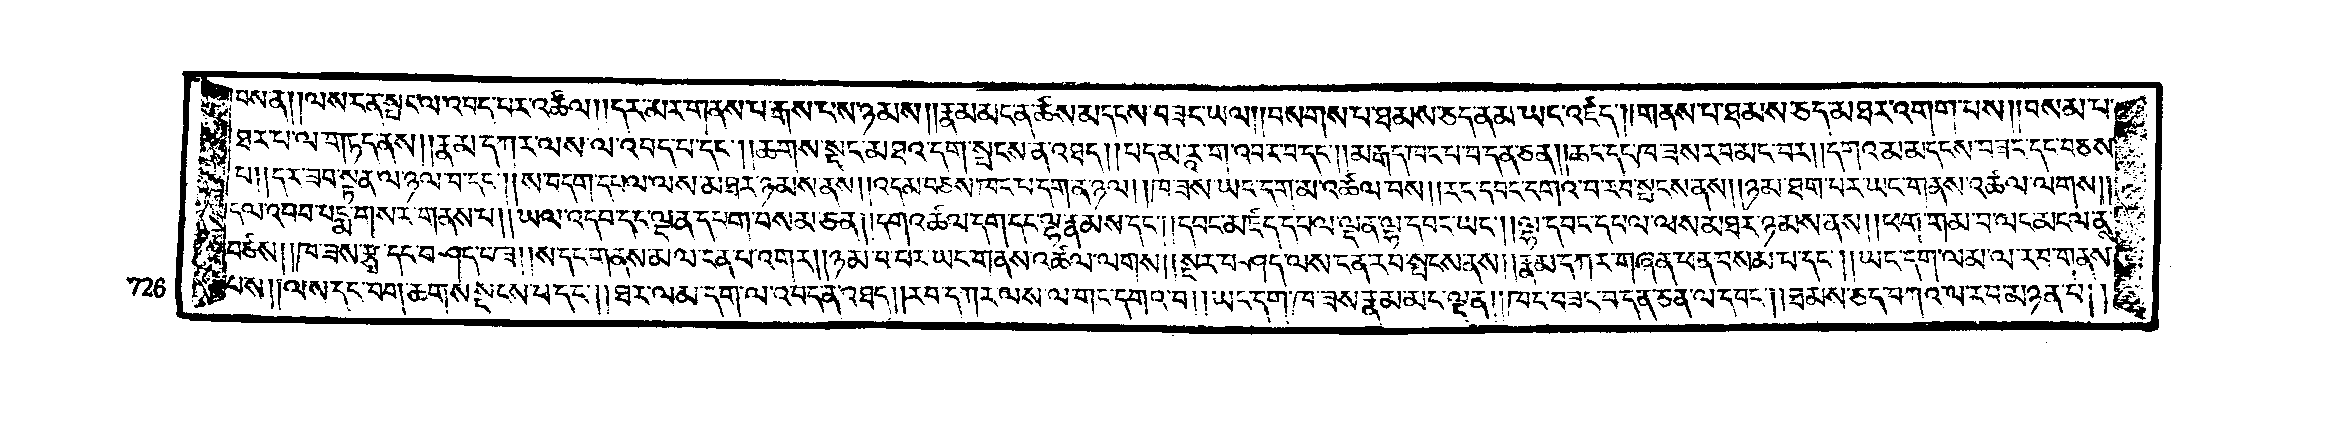བས་ན། །ལས་ངན་སྤང་ལ་འབང་པར་འཚལ། །དར་མར་གནས་པ་རྒས་པས་ཉམས། །རྣམ་མང་ན་ཚས་མདངས་བཟང་ཡལ། །བསགས་པ་ཐམས་ཅད་ནམ་ཡང་འཛད། །གནས་པ་ཐམས་ཅད་མཐར་འགག་པས། །བསམ་པ་
ཐར་པ་ལ་གཏད་ནས། །རྣམ་དཀར་ལས་ལ་འབད་པ་དང་། །ཆགས་སྡང་མཐའ་དག་སྤངས་ན་འཐད། །པད་མ་རཱ་ག་འབར་བ་དང་། །མྲྒད་ཁང་པ་བ་དན་ཅན། །ཆང་དང་ཁ་ཟས་རབ་མང་བར། །དགའ་མ་མདངས་བཟང་དང་བཅས་
པ། །དར་ཟབ་སྟན་ལ་ཉལ་བ་དང་། །ས་བདག་དཔལ་ལས་མཐར་ཉམས་ནས། །འདམ་བཅས་ཁང་པ་དག་ན་ཉལ། །ཁ་ཟས་ཡང་དག་མ་འཚལ་བས། །རང་དབང་དགའ་བ་རབ་སྤངས་ནས། །ཉམ་ཐག་པར་ཡང་གནས་འཚལ་ལགས།།
དལ་འབབ་པདམ་གསར་གནས་པ། །ཡལ་འདབ་དང་ལྡན་དཔག་བསམ་ཅན། །དགའ་ཚལ་དག་དང་ལྷ་རྣམས་དང་། །དབང་མཛད་དཔལ་ལྡན་ལྷ་དབང་ཡང་། །ལྷ་དབང་དཔལ་ལས་མཐར་ཉམས་ནས། །ཕག་གམ་བ་ལང་མངལ་ནས་
བཙས། །ཁ་ཟས་རྩྭ་དང་བཤང་བ་ཟ། །ས་དང་གནས་མལ་ངན་པ་འགར། །ཉམ་ང་བར་ཡང་གནས་འཚལ་ལགས། །སྔར་བཤད་ལས་ངན་རབ་སྤངས་ནས། །རྣམ་དཀར་གཞན་ཕན་བསམ་པ་དང་། །ཡང་དག་ལམ་ལ་རབ་གནས་
པས། །ལས་དང་བག་ཆགས་སྡངས་པ་དང་། །ཐར་ལམ་དག་ལ་འབད་ན་འཐད། །རབ་དཀར་ལས་ལ་གང་དགའ་བ། །ཡང་དག་ཁ་ཟས་རྣམ་མང་ལྡན། །ཁང་བཟང་བ་དན་ཅན་ལ་དབང་། །ཐམས་ཅད་བཀའ་ལ་རབ་མཉན་པ། །